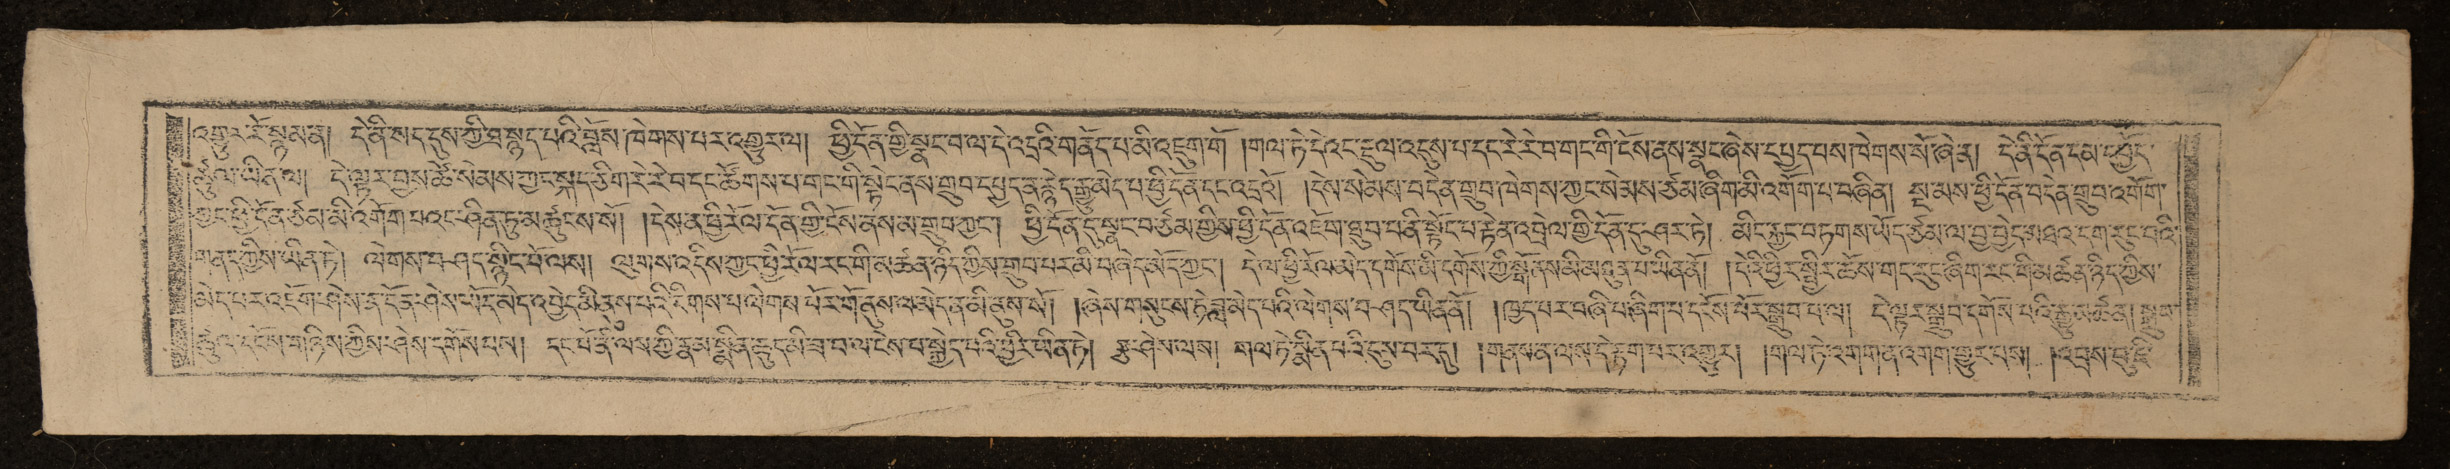འགྱུར་རོ་སྙམ་ན། དེ་ནི་སང་དུས་ཀྱི་ཐ་སྙད་པའི་བློས་ཁེགས་པར་འགྱུར་ལ། ཕྱི་དོན་གྱི་སྣང་བ་ལ་དེ་འབྲའི་གནོད་པ་མི་འཇུག་གོ །གལ་ཏེ་དེའང་རྡུལ་འདུས་པ་དང་རེ་རེ་བ་གང་གི་ངོས་ནས་སྣང་ཞེས་དཔྱད་པས་ཁེགས་སོ་ཞེ་ན། དེ་ནི་དོན་དམ་དཔྱོད་
ཚུལ་ཡིན་ལ། དེ་ལྟར་བྱས་ཚེ་སེམས་ཀྱང་སྐད་ཅིག་རེ་རེ་བ་དང་ཚོགས་པ་གང་གི་སྟེང་ནས་གྲུབ་དཔྱད་ན་རྙེད་རྒྱུ་མེད་པ་ཕྱི་དོན་དང་འདྲའོ། །དེས་སེམས་བདེན་གྲུབ་ཁེགས་ཀྱང་སེམས་ཙམ་ཞིག་མི་འགོག་བ་བཞིན། སྔ་མས་ཕྱི་དོན་བདེན་གྲུབ་འགོག་
ཀྱང་ཕྱི་དོན་ཙམ་མི་འགོག་པའང་ཤིན་ཏུ་མཚུངས་སོ། །དེས་ན་ཕྱི་རོལ་དོན་གྱི་ངོས་ནས་མ་གྲུབ་ཀྱང་། ཕྱི་དོན་དུ་སྣང་བ་ཙམ་གྱིས་ཕྱི་དོན་འཇོག་ཐུབ་པ་ནི་སྟོང་པ་རྟེན་འབྲེལ་གྱི་དོན་དུ་ཤར་ཏེ། མིང་རྐྱང་བཏགས་ཡོད་ཙམ་ལ་བྱ་བྱེད་མཐའ་དག་རུང་བའི་
གནད་ཀྱིས་ཡིན་ཏེ། ལེགས་བཤད་སྙིང་པོ་ལས། ལུགས་འདིས་ཀྱང་ཕྱི་རོལ་རང་གི་མཚན་ཉིད་ཀྱིས་གྲུབ་པར་མི་བཞེད་མོད་ཀྱང་། དེ་ལ་ཕྱི་རོལ་མེད་དགོས་མི་དགོས་ཀྱི་སྒོ་ནས་མི་མཐུན་པ་ཡིན་ནོ། །དེའི་ཕྱིར་སྤྱིར་ཆོས་གང་རུང་ཞིག་རང་གི་མཚན་ཉིད་ཀྱིས་
མེད་པར་འཇོག་ཤེས་ན་དོན་ཤེས་ཡོད་མེད་འབྱེད་མི་ནུས་བའི་རིགས་པ་ལེགས་པོར་གོ་ནུས་ལ་མེད་ན་མི་ནུས་སོ། །ཞེས་གསུངས་ཏེ་ཟླ་མེད་བའི་ལེགས་བཤད་ཡིན་ནོ། །ཁྱད་པར་བཞི་བ་ཞིག་བ་དངོས་པོར་སྒྲུབ་པ་ལ། དེ་ལྟར་སྒྲུབ་དགོས་པའི་རྒྱུ་མཚན། སྒྲུབ་
ཚུལ་དངོས་གཉིས་ཀྱིས་ཤེས་དགོས་པས། དང་པོ་ནི་ལས་ཀྱི་རྣམ་སྨིན་ཆུང་མི་ཟ་བ་ལ་ངེས་པ་སྐྱེད་པའི་ཕྱིར་ཡིན་ཏེ། རྩ་ཤེས་ལས། གལ་ཏེ་སྨིན་པའི་དུས་བར་དུ། །གནས་ན་ལས་དེ་རྟག་པར་འགྱུར། །གལ་ཏེ་འགག་ན་འགག་གྱུར་པས། །འབྲས་བུ་ཇི་